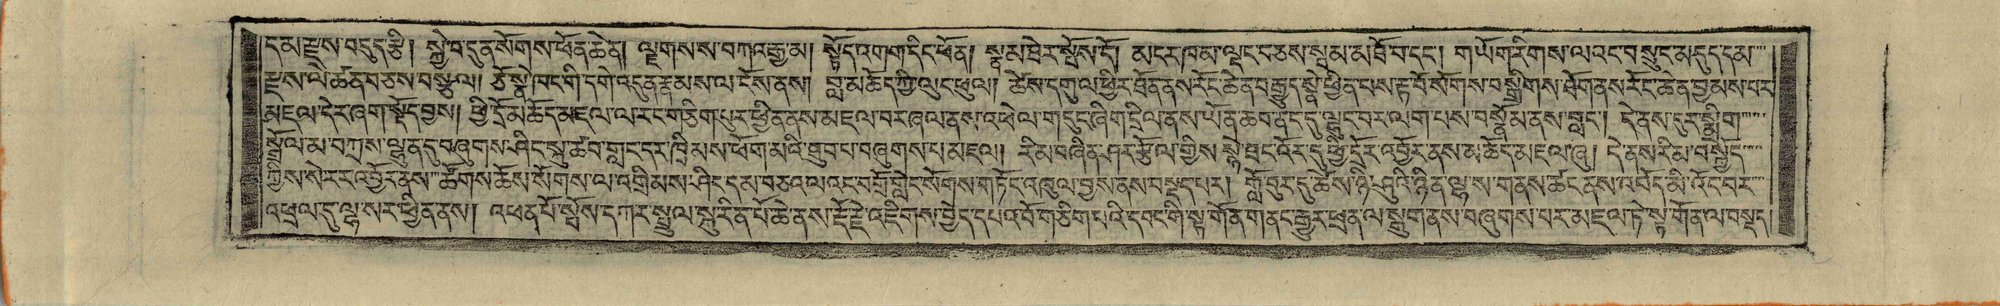དམ་རྫས་བདུད་རྩི། སྐྱེ་བ་དུན་སོགས་ཕོན་ཆེན། ལྗགས་ས་བཀའ་རྒྱ་མ། སྟོད་འགག་དིང་ཕོན། སྣམ་ཐེར་སྤོས་དོ། མངར་ཁམ་ལྡང་བཅས་སྦམ་མཐོ་བ་དང་། གཡོག་རིགས་ལའང་བསྲུང་མདུད་དམ་
རྫས་ལེ་ཚན་བཅས་བསྩལ། ཅོ་སྣེ་ཁང་གི་དགེ་འདུན་རྣམས་ལ་ངོས་ནས། བླ་མཆོད་ཀྱི་ལུང་ཕུལ། ཚེས་དགུ་ལ་ཕྱིར་ཐོན་ནས་རོང་ཆེན་བརྒྱུད་སྣེ་ཕྱིན་པས་རྟ་བོ་སོགས་བསྒྲིགས་ཐོག་ནས་རོང་ཆེན་བྱམས་པར་
མཇལ་དེར་ཞག་སྡོད་བྱས། ཕྱི་དྲོ་མཆོད་མཇལ་ལ་རང་གཅིག་པུར་ཕྱིན་ནས་མཇལ་བར་ཞལ་ནས་འཕེལ་གདུང་ཞིག་དྲིལ་ནས་ཡོན་ཆབ་ནང་དུ་ལྷུང་བར་ལག་པས་བསྣོམ་ནས་བླང་། དེ་ནས་ངུར་སྨིག་
སྒྲོལ་མ་བཀྲས་ལྷུན་དུ་བཞུགས་ཤིང་སྐུ་ཚབ་གླང་དར་ཁྲིམས་ཕོག་མའི་ཐུབ་པ་བཞུགས་པ་མཇལ། རིམ་བཞིན་ཤར་རྩོལ་གྱིས་སྙེ་ཐང་འོར་དུ་ཕྱི་དྲོར་འབྱོར་ནས་མཆོད་མཇལ་ཞུ། དེ་ནས་རིམ་བསྐྱོད་
ཀྱིས་སེ་རར་འབྱོར་ནས་ཚོགས་ཆོས་སོགས་ལ་འགྲིམས་ཤིང་དམ་བཅའ་ལའང་བགྲོ་གླེང་སོགས་གཏོང་འཁུལ་བྱས་ནས་བསྡད་པར། གློ་བུར་དུ་ཚེས་ཉི་ཤུའི་ཉིན་ལྷ་ས་གནས་ཚང་ནས་འབོད་མི་འོང་བར་
འཕྲལ་དུ་ལྷ་སར་ཕྱིན་ནས། འཕན་པོ་སྤོས་དཀར་སྤྲུལ་སྐུ་རིན་པོ་ཆེ་ནས་རྡོ་རྗེ་འཇིགས་བྱེད་དཔའ་བོ་གཅིག་པའི་དབང་གི་སྟ་གོན་གནང་རྒྱུར་ཕྲན་ལ་སྒུག་ནས་བཞུགས་པར་མཇལ་ཏེ་སྟ་གོན་ལ་བསྡད་